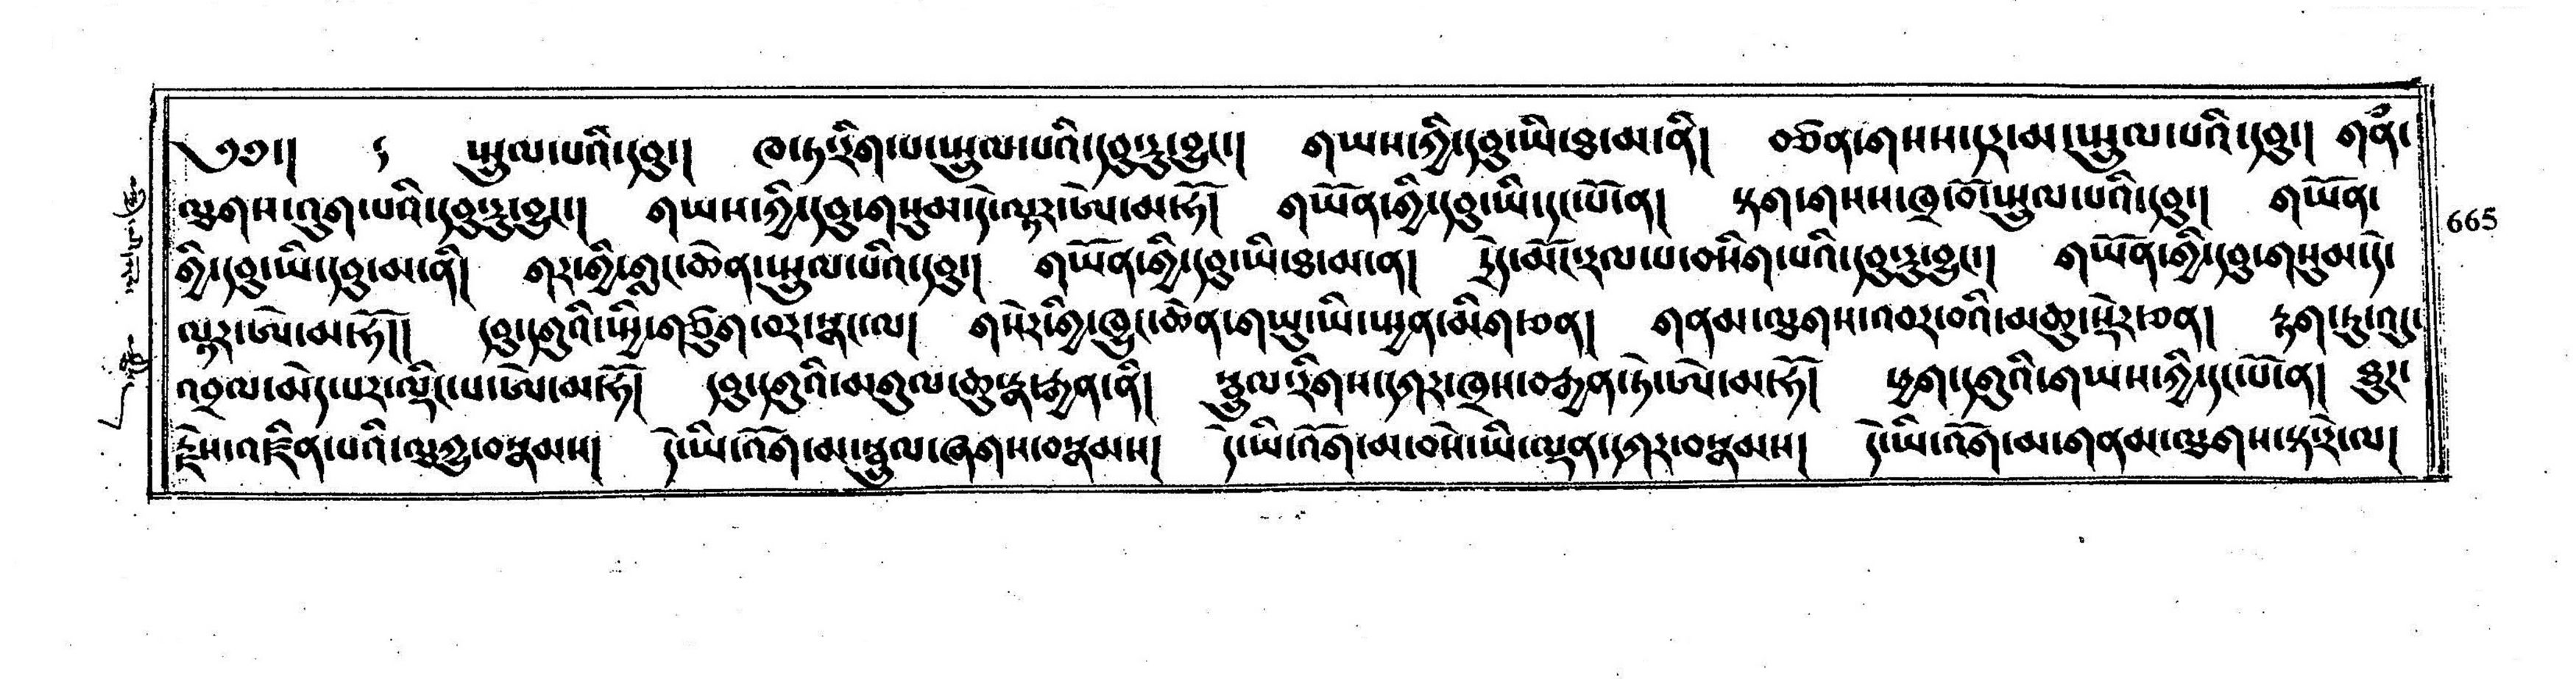སྤྲུལ་པའི་དབུ། ཁ་ཏ་རིག་པ་སྤྲུལ་པའི་དབུ་རུ་བྱུང་། གཡས་ཀྱི་དབུ་ཡི་ཐ་མ་ནི། བཙན་གསས་དར་མ་སྤྲུལ་པའི་དབུ། གནམ་
ལྕགས་འུག་པའི་དབུ་རུ་བྱུང་། གཡས་ཀྱི་དབུ་གསུམ་དེ་ལྟར་ཨེ་མ་ཧོ། གཡོན་གྱི་དབུ་ཡི་དང་པོ་ན། སྟག་གསས་ཁྲ་བོ་སྤྲུལ་པའི་དབུ། གཡོན་
གྱི་དབུ་ཡི་དབུ་མ་ནི། གར་གྱི་གླང་ཆེན་སྤྲུལ་པའི་དབུ། གཡོན་གྱི་དབུ་ཡི་ཐ་མ་ན། དྲེད་མོང་རལ་པ་བསིག་པའི་དབུ་རུ་བྱུང་། གཡོན་གྱི་དབུ་གསུམ་དེ་
ལྟར་ཨེ་མ་ཧོ།། དབུ་དགུའི་སྤྱི་གཙུག་བར་སྣང་ལ། གསེར་གྱི་ཁྱུང་ཆེན་གཡུ་ཡི་སྤྱན་མིག་ཅན། གནམ་ལྕགས་འབར་བའི་མཆུ་སྡེར་ཅན། རྟག་ཏུ་འདུ་
འབྲལ་མེད་པར་ལྡིང་པ་ཨེ་མ་ཧོ། དབུ་དགུའི་མགུལ་ཆུ་རྣ་རྒྱན་ནི། སྦྲུལ་རིགས་དཀར་ཁྲས་བརྒྱན་ཏེ་ཨེ་མ་ཧོ། ཕྱག་དགུའི་གཡས་ཀྱི་དང་པོ་ན། ཐུགས་
རྗེས་འཛིན་པའི་ལྕག་ཀྱུ་བསྣམས། དེ་ཡི་འོག་མ་སྦྲུལ་ཞགས་བསྣམས། དེ་ཡི་འོག་མ་བསེ་ཡི་ལྡན་དཀར་བསྣམས། དེ་ཡི་འོག་མ་གནམ་ལྕགས་སྟ་རེ་ལ།